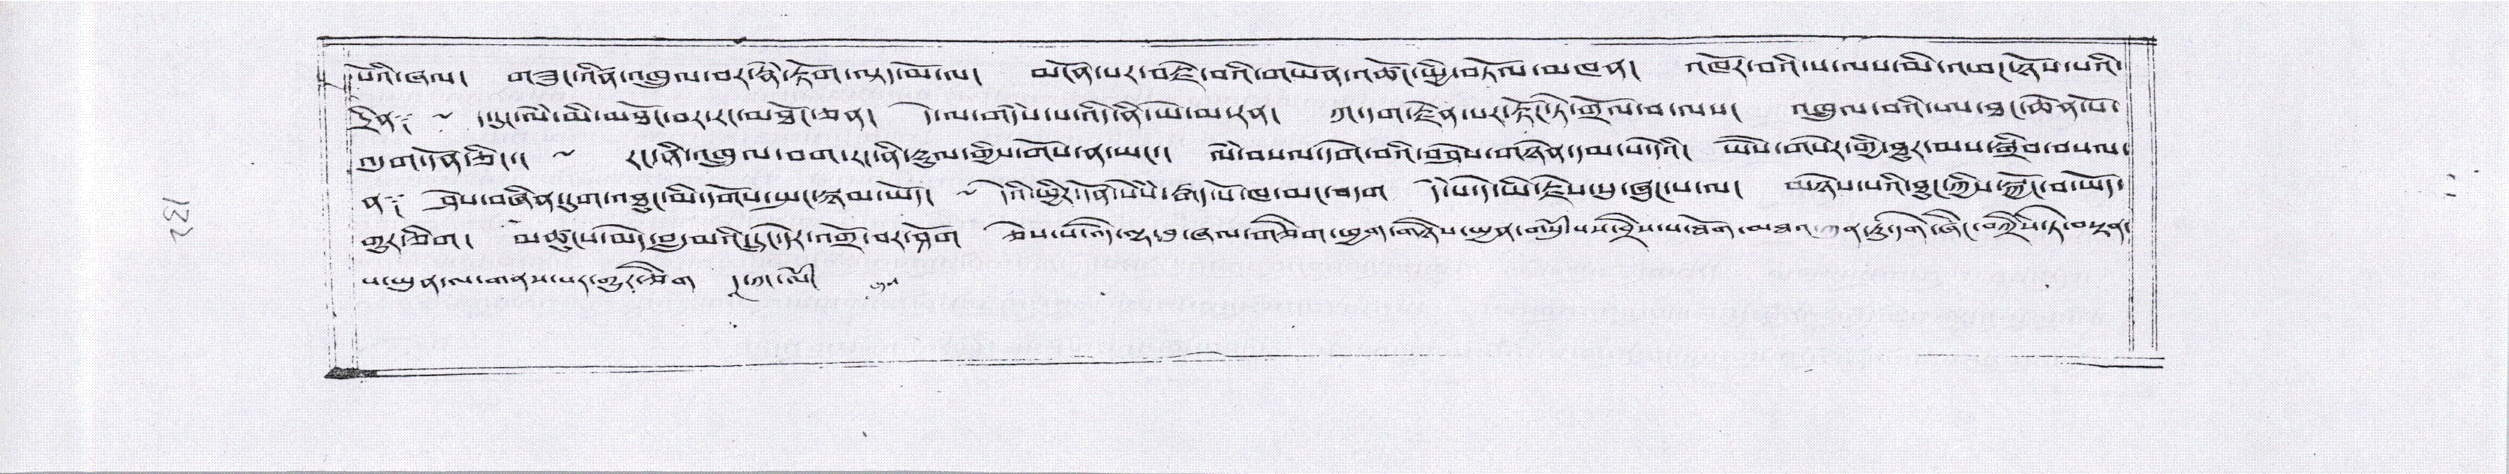པོའི་ཞལ། །གཟུང་འཛིན་འཁྲུལ་པར་རྣམ་རྟོག་ལྟད་མོ་ལ། །མངོན་པར་བརྗེ་བའི་གཡང་འཆོང་སྤྱི་བརྟོལ་མཁན། །འཁོར་བའི་ས་ལས་མི་འཕགས་ཉོས་པའི་
དྲིན།། ༧ ད་དུང་ལམ་མི་མཐོང་བར་རང་མཐོང་ཅན། །དེ་ལ་གདམས་པ་འདི་ནི་ཡེ་མ་རན། །ཀ་དག་རྗེན་པར་རྟོགས་ཏེ་གྲོལ་བ་ལས། །འཁྲུལ་པའི་ཨ་ཐང་ཆེན་པོ་
འདུག་དོན་ཅི།། ༧ རང་ནི་འཁྲུལ་བག་རྡུལ་གྱིས་གོས་ན་ཡང་། །ལམ་གསལ་དགེ་བའི་བཤེས་གཉེན་དམ་པ་དེའི། །ཡེ་ཤེས་གསེར་གྱི་ཐུར་མས་བསྒྲིབས་བསལ་
ན། །ཤེས་བཞིན་དུག་འཐུང་མི་དགོས་སྤང་སྙམ་ཡོད།། ༧ དེའི་ཕྱིར་དོན་སེམས་རྒད་པོ་ཁ་མང་བདག །དམ་པ་དེ་ཡི་རྗེས་སུ་ཞུགས་པ་ལ། །མཉེས་པའི་ཐུགས་ཀྱི་སྐྱོང་བ་ཡོད་
གྱུར་ཅིག །མཚུངས་མེད་བླ་མའི་དྲུང་དེར་འགྲོ་བར་ཤོག། ཅེས་པ་འདི་ལྟ་བུ་ཞལ་གཅིག་ཕྱག་གཉིས་སྤྱན་གསུམ་པས་བྲིས་པ་ཐོག་མཐའ་ཀུན་ཏུ་དགེ་ཞིང་བཀྲ་ཤིས་ཏེ་བསྟན་
པ་ཡུན་ལ་གནས་པར་གྱུར་ཅིག། །།དཱ་ཀ་ལཾ། །